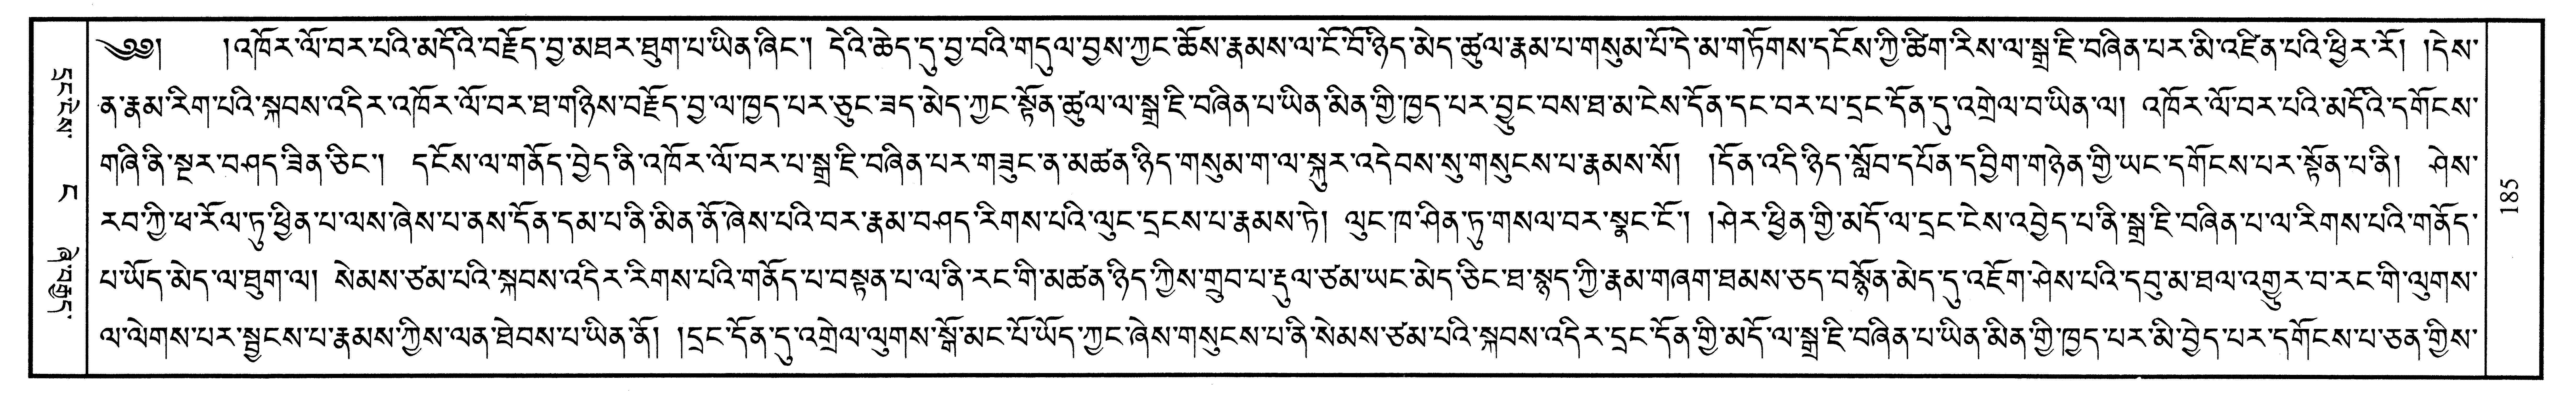༄༅། །འཁོར་ལོ་བར་པའི་མདོའི་བརྗོད་བྱ་མཐར་ཐུག་པ་ཡིན་ཞིང་། དེའི་ཆེད་དུ་བྱ་བའི་གདུལ་བྱས་ཀྱང་ཆོས་རྣམས་ལ་ངོ་བོ་ཉིད་མེད་ཚུལ་རྣམ་པ་གསུམ་པོ་དེ་མ་གཏོགས་དངོས་ཀྱི་ཚིག་རིས་ལ་སྒྲ་ཇི་བཞིན་པར་མི་འཛིན་པའི་ཕྱིར་རོ། །དེས་
ན་རྣམ་རིག་པའི་སྐབས་འདིར་འཁོར་ལོ་བར་ཐ་གཉིས་བརྗོད་བྱ་ལ་ཁྱད་པར་ཅུང་ཟད་མེད་ཀྱང་སྟོན་ཚུལ་ལ་སྒྲ་ཇི་བཞིན་པ་ཡིན་མིན་གྱི་ཁྱད་པར་བྱུང་བས་ཐ་མ་ངེས་དོན་དང་བར་པ་དྲང་དོན་དུ་འགྲེལ་བ་ཡིན་ལ། འཁོར་ལོ་བར་པའི་མདོའི་དགོངས་
གཞི་ནི་སྔར་བཤད་ཟིན་ཅིང་། དངོས་ལ་གནོད་བྱེད་ནི་འཁོར་ལོ་བར་པ་སྒྲ་ཇི་བཞིན་པར་གཟུང་ན་མཚན་ཉིད་གསུམ་ག་ལ་སྐུར་འདེབས་སུ་གསུངས་པ་རྣམས་སོ། །དོན་འདི་ཉིད་སློབ་དཔོན་དབྱིག་གཉེན་གྱི་ཡང་དགོངས་པར་སྟོན་པ་ནི། ཤེས་
རབ་ཀྱི་ཕ་རོལ་ཏུ་ཕྱིན་པ་ལས་ཞེས་པ་ནས་དོན་དམ་པ་ནི་མིན་ནོ་ཞེས་པའི་བར་རྣམ་བཤད་རིགས་པའི་ལུང་དྲངས་པ་རྣམས་ཏེ། ལུང་ཁ་ཤིན་ཏུ་གསལ་བར་སྣང་ངོ། །ཤེར་ཕྱིན་གྱི་མདོ་ལ་དྲང་ངེས་འབྱེད་པ་ནི་སྒྲ་ཇི་བཞིན་པ་ལ་རིགས་པའི་གནོད་
པ་ཡོད་མེད་ལ་ཐུག་ལ། སེམས་ཙམ་པའི་སྐབས་འདིར་རིགས་པའི་གནོད་པ་བསྟན་པ་ལ་ནི་རང་གི་མཚན་ཉིད་ཀྱིས་གྲུབ་པ་རྡུལ་ཙམ་ཡང་མེད་ཅིང་ཐ་སྙད་ཀྱི་རྣམ་གཞག་ཐམས་ཅད་བསྙོན་མེད་དུ་འཇོག་ཤེས་པའི་དབུ་མ་ཐལ་འགྱུར་བ་རང་གི་ལུགས་
ལ་ལེགས་པར་སྦྱངས་པ་རྣམས་ཀྱིས་ལན་ཐེབས་པ་ཡིན་ནོ། །དྲང་དོན་དུ་འགྲེལ་ལུགས་སྒོ་མང་པོ་ཡོད་ཀྱང་ཞེས་གསུངས་པ་ནི་སེམས་ཙམ་པའི་སྐབས་འདིར་དྲང་དོན་གྱི་མདོ་ལ་སྒྲ་ཇི་བཞིན་པ་ཡིན་མིན་གྱི་ཁྱད་པར་མི་བྱེད་པར་དགོངས་པ་ཅན་གྱིས་